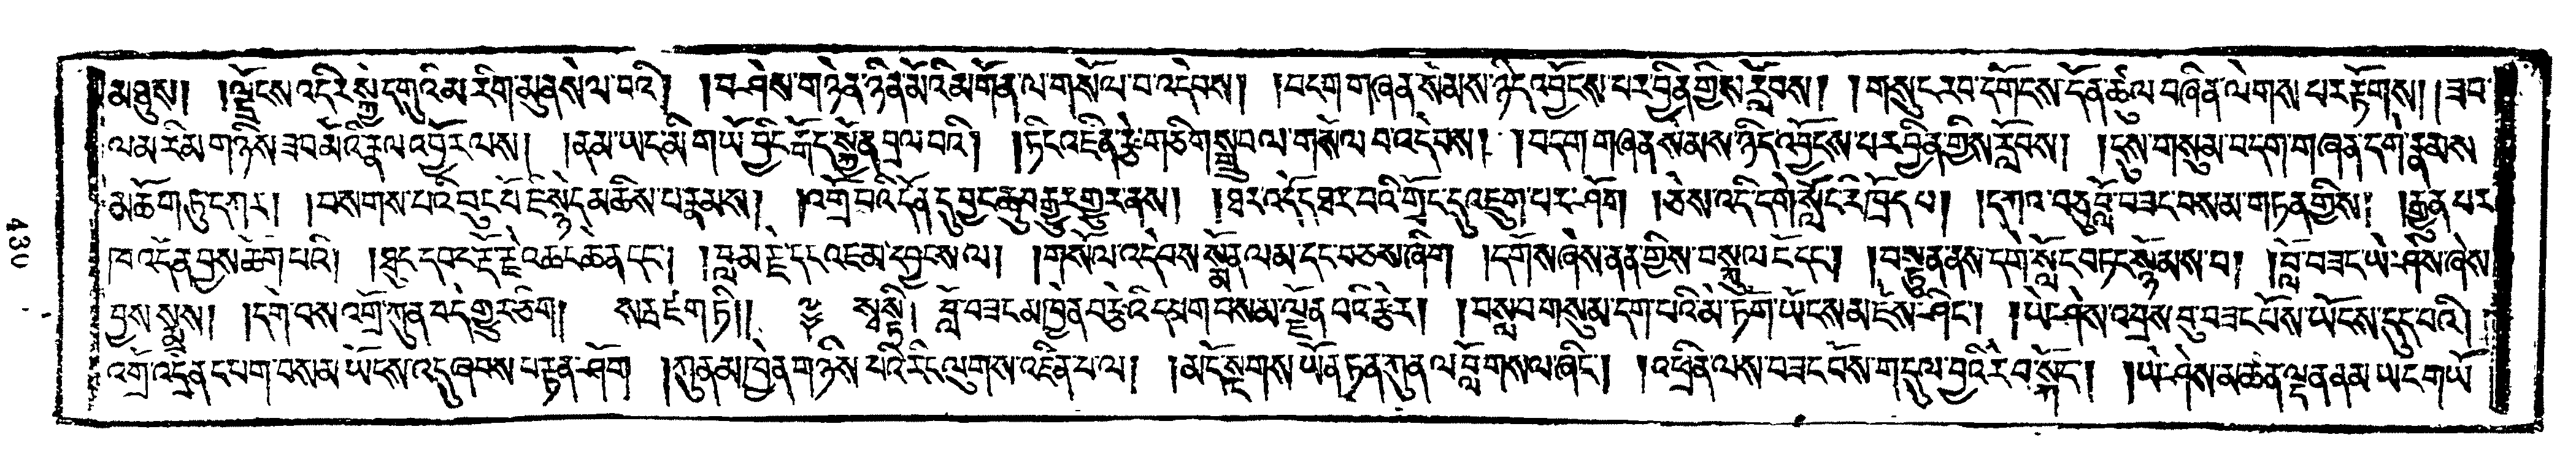མཐུས། །ལྡྲོངས་འདིར་སྐྱེ་དགུའི་མ་རིག་མུན་སེལ་བའི། །བཤེས་གཉེན་ཉིན་མོའི་མགོན་ལ་གསོལ་བ་འདེབས། །བདག་གཞན་སེམས་ཉིད་འབྱོངས་པར་བྱིན་གྱིས་རློབས། །གསུང་རབ་དགོངས་དོན་ཚུལ་བཞིན་ལེགས་པར་རྟོགས། །ཟབ་
ལམ་རིམ་གཉིས་ཟབ་མོའི་རྣལ་འབྱོར་ལས། །ནམ་ཡང་མི་གཡོ་བྱིང་རྒོད་སྐྱོན་བྲལ་བའི། །ཏིང་འཛིན་རྩེ་གཅིག་སྒྲུབ་ལ་གསོལ་བ་འདེབས། །བདག་གཞན་སེམས་ཉིད་འབྱོངས་པར་བྱིན་གྱིས་རློབས། །དུས་གསུམ་བདག་གཞན་དགེ་རྣམས་
མཆོག་ཏུ་དཀར། །བསགས་པའི་བུང་པོ་ཇི་སྙེད་མཆིས་པ་རྣམས། །འགྲོ་བའི་དོན་དུ་བྱང་ཆུབ་རྒྱུར་གྱུར་ནས། །ཐར་འདོད་ཐར་བའི་གྲོང་དུ་འཇུག་པར་ཤོག །ཅེས་འདི་དགེ་སློང་རི་ཁྲོད་པ། །དཀའ་བཅུ་བློ་བཟང་བསམ་གཏན་གྱིས། །རྒྱུན་པར་
ཁ་འདོན་བྱས་ཆོག་པའི། །ཐུང་དབང་རྡོ་རྗེ་འཆང་ཆེན་དང་། །བླ་མ་རྗེ་དང་འཇམ་དབྱངས་ལ། །གསོལ་འདེབས་སྨོན་ལམ་དང་བཅས་ཞིག །དགོས་ཞེས་ནན་གྱིས་བསྐུལ་ངོ་དང་། །བསྟུན་ནས་དགེ་སློང་བཏང་སྙོམས་པ། །བློ་བཟང་ཡེ་ཤེས་ཞེས་
བྱས་སྨྲས། །དགེ་བས་འགྲོ་ཀུན་བདེ་གྱུར་ཅིག། སརྦ་ཛ་ག་ཏི།། ༈ སྭསྟི། བློ་བཟང་མཁྱེན་བརྩེའི་དམག་བསམ་ལྗོང་བའི་རྩེར། །བསླབ་གསུམ་དག་པའི་མེ་ཏོག་ཡོངས་མཛེས་ཤིང་། །ཡེ་ཤེས་འབྲས་བུ་བཟང་པོས་ཡོངས་སུ་དུད་པའི། །
འགྲོ་འདྲེན་དཔག་བསམ་ཡོངས་འདུ་ཞབས་བརྟན་ཤོག །ཀུན་མཁྱེན་གཉིས་པའི་རིང་ལུགས་འཛིན་པ་ལ། །མདོ་སྔགས་ཡོན་ཏན་ཀུན་ལ་བློ་གསལ་ཞིང་། །འཕྲིན་ལས་བཟང་བོས་གདུལ་བྱའི་རེ་བ་སྐོང་། །ཡེ་ཤེས་མཚན་ལྡན་ནམ་ཡང་གཡོན་